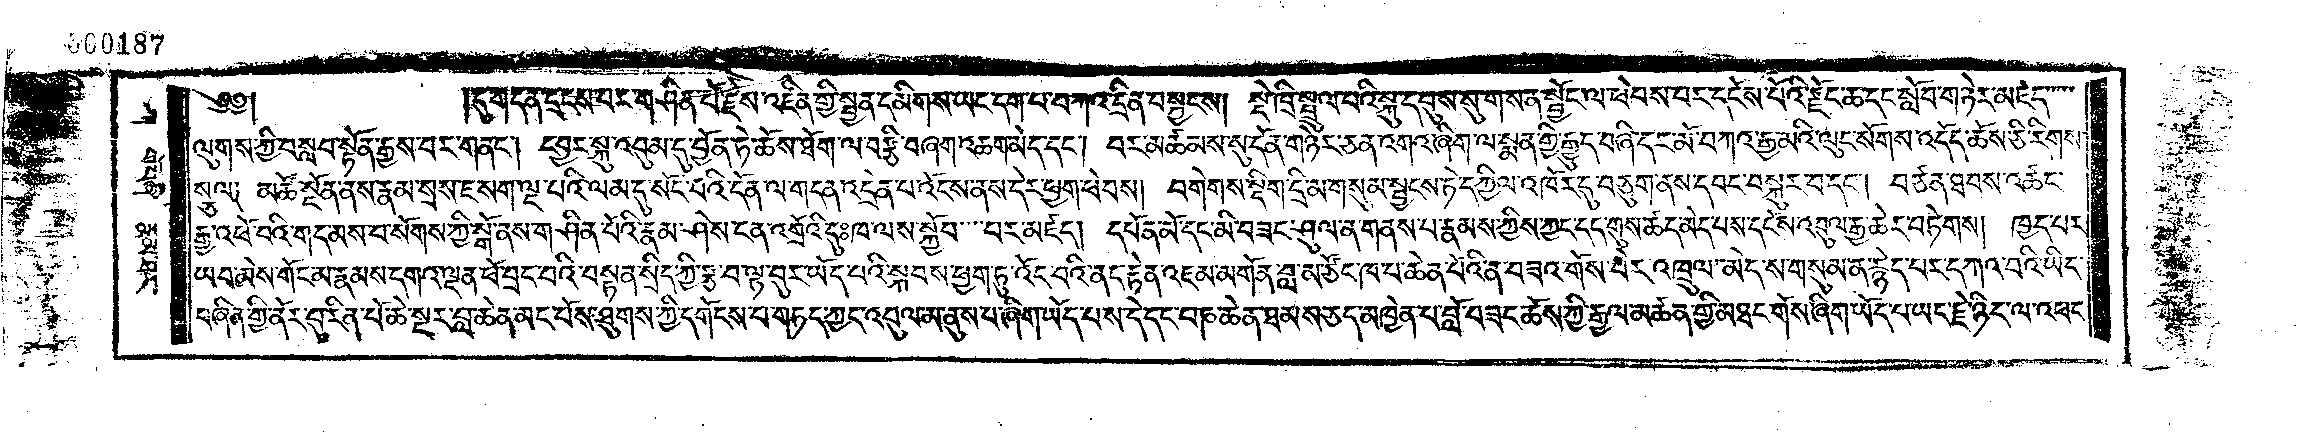༄༅། །དུ་གདན་དྲངས་པར་གཤིན་པོ་རྗེས་འཛིན་གྱི་སྤྱན་དམིགས་ཡང་དག་པ་བཀའ་དྲིན་བསྐྱངས། སྡེ་ཁྲི་སྤྲུལ་པའི་སྐུ་དབུས་སུ་གསན་སྦྱོང་ལ་ཕེབས་པར་དངོས་པོའི་རྫོང་ཆ་དང་སློབ་གཉེར་མཛད་
ལུགས་ཀྱི་བསླབ་སྟོན་རྒྱས་པར་གནང་། དབྱང་སྐུ་འབུམ་དུ་བྱོན་ཏེ་ཆོས་ཐོག་ལ་བརྩི་བཞག་འཆག་མེད་དང་། བར་མཚམས་སུ་དོན་གཉེར་ཅན་འགའ་ཞིག་ལ་སྨན་གྱི་རྒྱུད་བཞི་དར་མོ་བཀའ་རྒྱ་མའི་ལུང་སོགས་འདོད་ཆོས་ཅི་རིགས་
སྩལ༑ མཚོ་སྔོན་ནས་རྣམ་སྲས་ཇ་སག་ལྔ་པའི་ལམ་དུ་སོང་བའི་དོན་ལ་གདན་འདྲེན་པ་འོངས་ནས་དེར་ཕྱག་ཕེབས། བགེགས་སྡིག་དྲི་མ་གསུམ་སྦྱངས་ཏེ་དཀྱིལ་འཁོར་དུ་བཅུག་ནས་དབང་བསྐུར་བ་དང་། བཙན་ཐབས་འཚང་
རྒྱ་འཕོ་བའི་གདམས་པ་སོགས་ཀྱི་སྒོ་ནས་གཤིན་པོའི་རྣམ་ཤེས་ངན་འགྲོའི་དུཿ ཁ་ལས་སྐྱོབ་པར་མཛད། དཔོན་མོ་དང་མི་བཟང་ཤུལ་ན་གནས་པ་རྣམས་ཀྱིས་ཀྱང་དད་གུས་ཚད་མེད་པས་དངོས་འབུལ་རྒྱ་ཆེར་བཏེགས། ཁྱད་པར་
ཡབ་མེས་གོང་མ་རྣམས་དགའ་ལྡན་ཕོ་བྲང་བའི་བསྟན་སྲིད་ཀྱི་རྩ་བ་ལྟ་བུར་ཡོད་པའི་སྐབས་ཕྱག་ཏུ་འོང་བའི་ནང་རྟེན་འཇམ་མགོན་བླ་མ་ཙོང་ཁ་པ་ཆེན་པོའི་ན་བཟའ་གོས་བར་འཁྲུལ་མེད་ས་གསུམ་ན་རྙེད་པར་དཀའ་བའི་ཡིད་
བཞིན་གྱི་ནོར་བུ་རིན་པོ་ཆེ་སྔར་བླ་ཆེན་མང་པོས་ཐུགས་ཀྱི་དགོངས་པ་གཏད་ཀྱང་འབུལ་མ་ནུས་པ་ཞིག་ཡོད་པས་དེ་དང་པཎ་ཆེན་ཐམས་ཅད་མཁྱེན་པ་བློ་བཟང་ཆོས་ཀྱི་རྒྱལ་མཚན་གྱི་མཐང་གོས་ཞིག་ཡོད་པ་ཡང་རྗེ་ཉིད་ལ་འཕང་